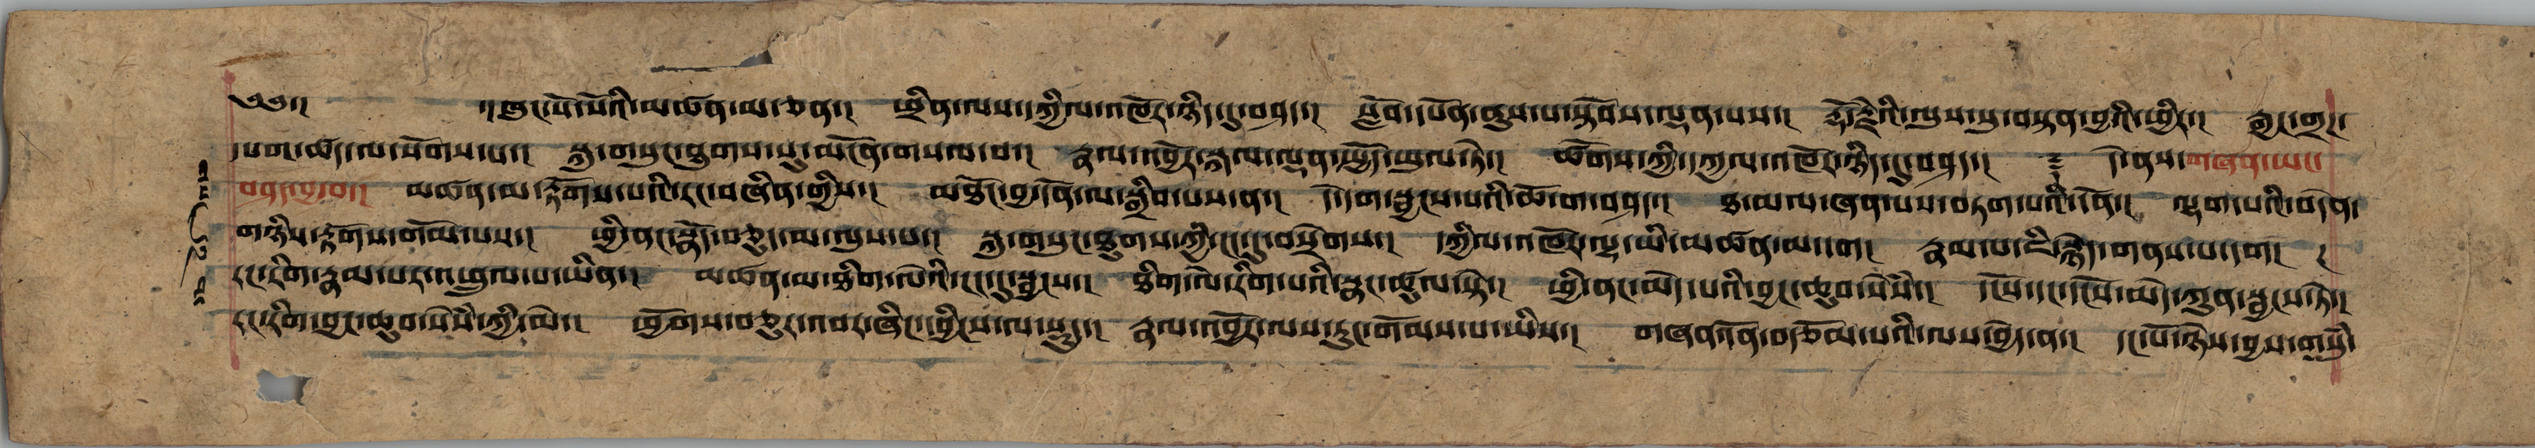༄༅་། ་།ཁུང་སོ་སོའི་མཚན་མ་ཅན་། ཕྲིན་ལས་དཀྱིལ་འཁོར་ཉིད་དུ་བཤད་། སློབ་དཔོན་ནུས་པ་སྟོབས་ལྡན་པས་། རྡོ་རྗེའི་ལུས་སུ་བསྟན་བྱའི་ཕྱིར་། རྒྱང་གྲཌ་
དཔག་ཚད་ལ་སོགས་པ་། སྐུ་གསུང་ཐུགས་སུ་མངོན་གསལ་བ་། རྣལ་འབྱོར་སྐལ་ལྡན་སྤྱོད་ཡུལ་ཏེ་། ཚོགས་ཀྱི་དཀྱིལ་འཁོར་ཉིད་དུ་བཤད་། ༈ དེ་ནས་གཞན་ཡང་
བཤད་བྱ་བ་། མཚན་མ་རྟོགས་པའི་རང་བཞིན་གྱིས་། མཐོང་བྱ་དོན་ལ་སྒྲིབ་པས་ན་། དེ་དག་སྦྱངས་པའི་ཆོ་ག་བཤད་། ཐ་མལ་ཞན་པས་བཏག་པའི་དོན་། ལྷག་པའི་བདེན་
གཉིས་རྟོགས་གོམ་པས་། ཕྱི་ནང་སྣོད་བཅུད་མ་ལུས་པ་། སྐུ་གསུང་ཐུགས་ཀྱི་ངང་དུ་བསྲེགས་། དཀྱིལ་འཁོར་ལྷ་ཡི་མཚན་མ་དག། རྣམ་པ་ཇི་སྙེད་གནས་པ་དག།
རང་རིག་རྣམ་པར་འཕྲུལ་པ་ཡིན་། མཚན་མ་ཐིག་ལེའི་ངང་དུ་སྦྱངས་། ཐིག་ལེ་རིག་པའི་སྣང་ཚུལ་སྟེ་། ཕྱི་ནང་མེད་པའི་བྱང་ཆུབ་སེཾས་། དངོས་དང་དངོས་མེད་ཀུན་སྦྱངས་ཏེ་།
རང་རིག་བྱང་ཆུབ་སེཾས་ཀྱི་མེ་། ཕྱོགས་བཅུར་འབར་ཞིང་དབྱིངས་ལ་སྡུད་། རྣལ་འབྱོར་ལས་རུང་གོམས་པ་ཡིས་། གཞན་དོན་བརྩོམ་པའི་ལས་བྱེད་ན་། དང་པོ་ཉེས་བྱས་གསུཾ་